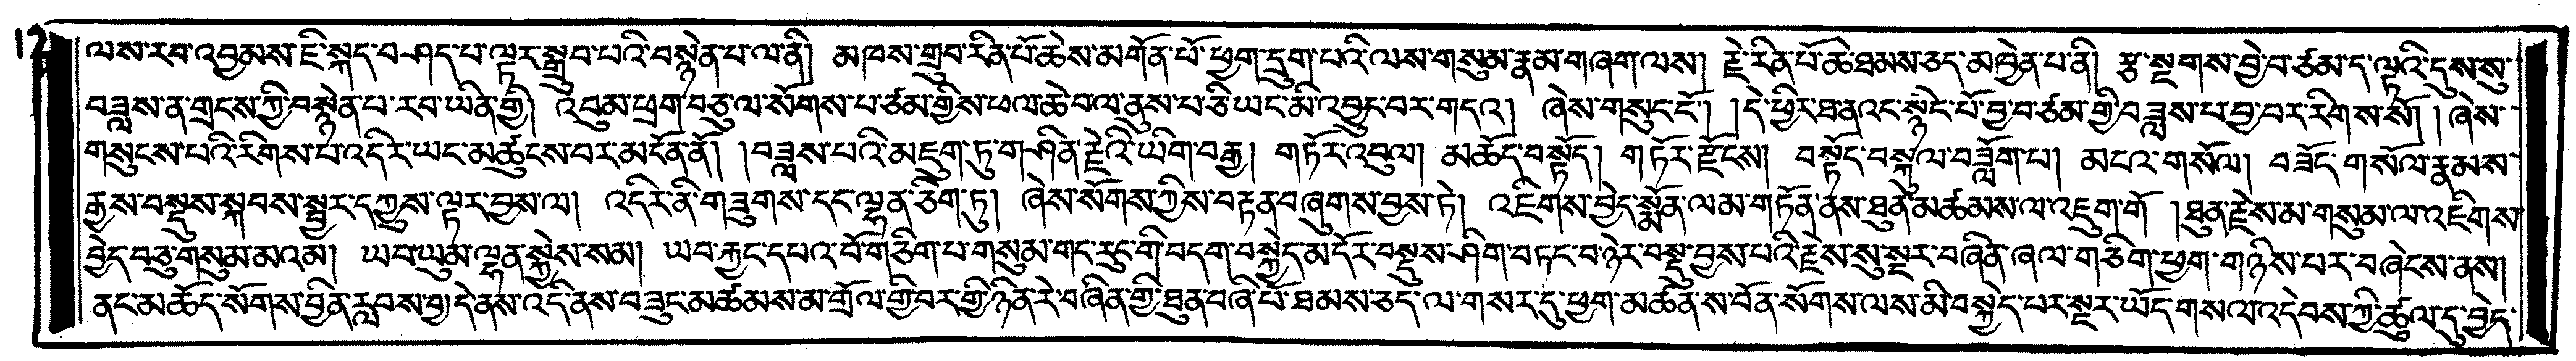ལས་རབ་འབྱམས་ཇི་སྐད་བཤད་པ་ལྟར་སྒྲུབ་པའི་བསྙེན་པ་ལ་ནི། མཁས་གྲུབ་རིན་པོ་ཆེས་མགོན་པོ་ཕྱག་དྲུག་པའི་ལས་གསུམ་རྣམ་གཞག་ལས། རྗེ་རིན་པོ་ཆེ་ཐམས་ཅད་མཁྱེན་པ་ནི། རྩ་སྔགས་བྱེ་བ་ཙམ་ད་ལྟའི་དུས་སུ་
བཟླས་ན་གྲངས་ཀྱི་བསྙེན་པ་རབ་ཡིན་གྱི། འབུམ་ཕྲག་བཅུ་ལ་སོགས་པ་ཙམ་གྱིས་ཕལ་ཆེ་བ་ལ་ནུས་པ་ཅི་ཡང་མི་འབྱུང་བར་གདའ། ཞེས་གསུང་ངོ། །དེ་ཕྱིར་ཐ་ནའང་སྙིང་པོ་བྱ་བ་ཙམ་གྱི་བཟླས་པ་བྱ་བར་རིགས་སོ། །ཞེས་
གསུངས་པའི་རིགས་པ་འདིར་ཡང་མཚུངས་བར་མངོན་ནོ། །བཟླས་པའི་མཇུག་ཏུ་གཤིན་རྗེའི་ཡིག་བརྒྱ། གཏོར་འབུལ། མཆོད་བསྟོད། གཏོར་རྫོངས། བསྟོད་བསྐུལ་བཟློག་པ། མངའ་གསོལ། བཟོད་གསོལ་རྣམས་
རྒྱས་བསྡུས་སྐབས་སྦྱར་དཀྱུས་ལྟར་བྱས་ལ། འདིར་ནི་གཟུགས་དང་ལྷན་ཅིག་ཏུ། ཞེས་སོགས་ཀྱིས་བརྟན་བཞུགས་བྱས་ཏེ། འཇིགས་བྱེད་སྨོན་ལམ་གཏོན་ནས་ཐུན་མཚམས་ལ་འཇུག་གོ །ཐུན་རྗེས་མ་གསུམ་ལ་འཇིགས་
བྱེད་བཅུ་གསུམ་མའམ། ཡབ་ཡུམ་ལྷན་སྐྱེས་སམ། ཡབ་རྐྱང་དཔའ་བོ་གཅིག་པ་གསུམ་གང་རུང་གི་བདག་བསྐྱེད་མདོར་བསྡུས་ཤིག་བཏང་བ་ཉེར་བསྡུ་བྱས་པའི་རྗེས་སུ་སྔར་བཞིན་ཞལ་གཅིག་ཕྱག་གཉིས་པར་བཞེངས་ནས།
ནང་མཆོད་སོགས་བྱིན་རླབས་བྱ། དེ་ནས་འདི་ནས་བཟུང་མཚམས་མ་གྲོལ་གྱི་བར་གྱི་ཉིན་རེ་བཞིན་གྱི་ཐུན་བཞི་པོ་ཐམས་ཅད་ལ་གསར་དུ་ཕྱག་མཚན་ས་བོན་སོགས་ལས་མི་བསྐྱེད་པར་སྔར་ཡོད་གསལ་འདེབས་ཀྱི་ཚུལ་དུ་བྱེད་